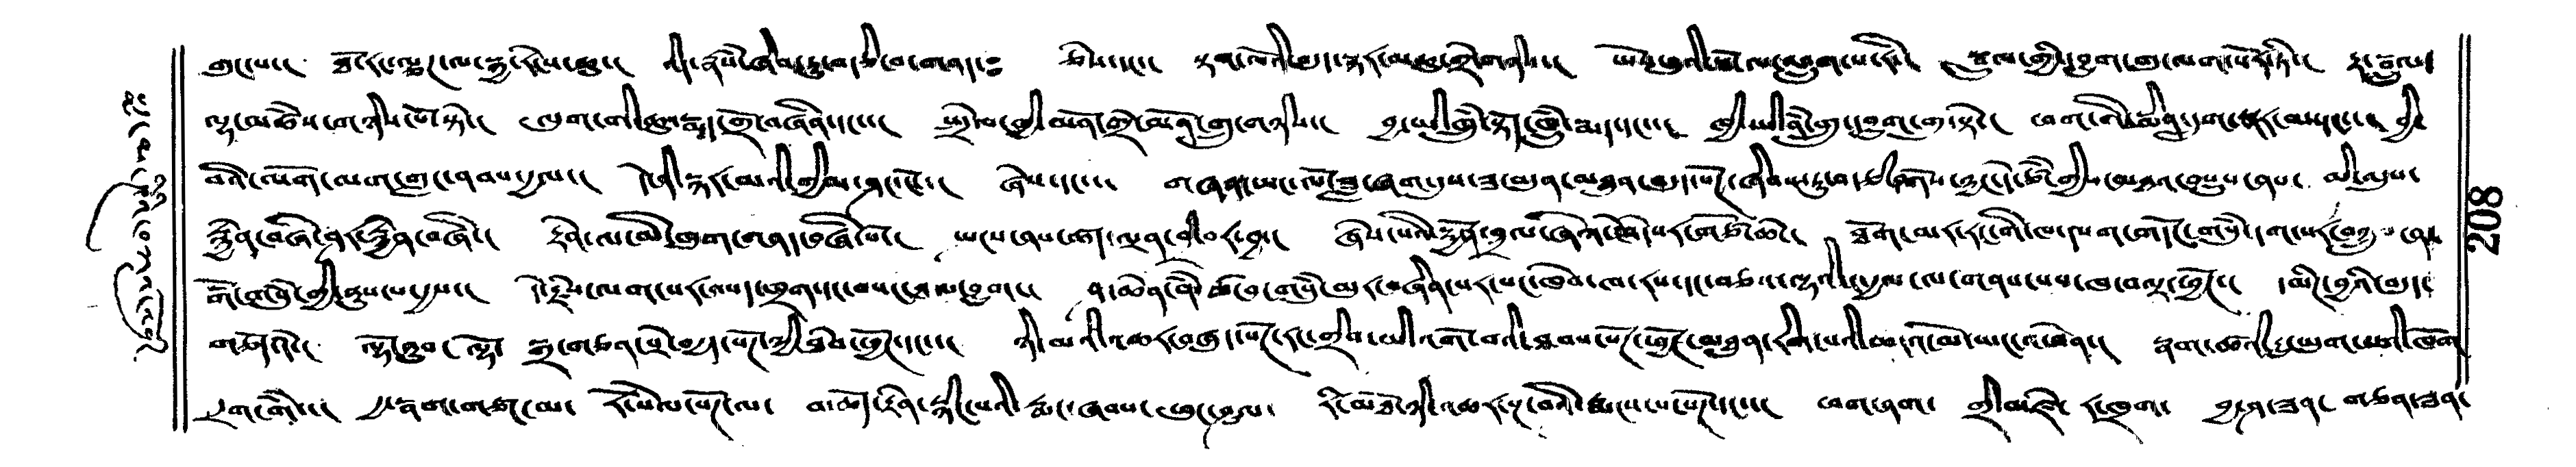གུང་ས། །ཐོ་རངས་ལྕགས་ལ་སྐྱ་རེངས་ཆུ། །འདི་རྣམས་ཞིབ་ཏུ་བརྩི་བ་གནད། ཅེས་དང་། སྟག་ལོའི་བདུད་སྐར་མཆུ་གྲེ་གཉིས། །ཡོས་བུའི་དབོ་ལ་འབྲུག་ས་རི། །སྦྲུལ་གྱི་དབྱུག་གུ་ལག་སོར་ཏེ། །རྟ་སྦྲུལ་
ལྷ་མཚམས་གཉིས་པོ་སྟེ། །ལུག་གི་ཆུ་སྨད་གྲོ་བཞིན་དང་། །སྤྲེལ་གྱི་མོན་གྲེ་མོན་གྲུ་གཉིས། །བྱ་ཡི་ཁྲུམས་སྟོད་ཁྲུམས་སྨད་དང་། །ཁྱི་ཡི་ནམ་གྲུ་དབྱུག་གུ་སྟེ། །ཕག་གི་སྨིན་དྲུག་སྣར་མ་དང་། །བྱི་
བའི་འགོ་ལག་གླང་ནབས་རྒྱལ། །དེ་ནི་སྐར་མའི་གྱིམ་ཤང་ངོ་།ཞེས་དང་། གཞན་ཡང་ལོ་ཟླ་ཞག་དུས་ཟ་བདུན་མཐུན་བདུད་སོགས་ཞིབ་ཏུ་བརྩི་བགོས་ཀྱང་དེ་ཙམ་གྱིས་མཐའ་བསྡུས་ནས། མི་འདུས་
རྐྱེན་བཞི་ཤར་རྐྱེན་བཞི། །རྟེན་ལ་མི་ཁུག་གནད་བཞི་པོ། །སྤངས་ནས་ཚད་ལྡན་བྲི་བར་བྱ། ཞེས་པའི་སྐྱོན་བྲལ་ཞིག་ངེས་པར་གཙོ་ཆེ། ཐོག་མར་རང་གི་ཁ་ལག་གདོང་གསུམ་དག་པར་བཀྲུས་ནས། 
སྒོ་གསུམ་གྱི་ནུས་པ་རྒྱས། དེ་རྗེས་ལག་པར་བསད་ཁྲག་དང་བསད་ཐལ་བྱུག ཤ་ཆེན་ནམ་རྩ་བ་གསུམ་མུར་བཞིན་པར་བང་ཁེབ་ཁ་རས་དང་བཅས་ལྷའི་ང་རྒྱལ་ལ་གནས་པས་ཁ་བལྟ་ཕྱོགས། དམིགས་བྱའི་བདུད་
གཅོད་དམ། ལྷོ་ནུབ། ལྷོ། སྒྲ་གཅན་སྡེ་བརྒྱད་སོགས་ཀྱི་ཐབ་ཕྱོགས་དང་། ཉི་མའི་འཆར་བཞུད་སོགས་རང་གྲིབ་མི་འགོ་བའི་ཐབས་སོགས་ཕྱོགས་མཐུན་རིག་པའི་མདའ་མོ་ཡང་འཕེན། སྣག་ཚའི་རྒྱུ་ཡུག་སའི་ཁོག་
དྲག་གམ། རྒྱ་སྣག་གཙང་མ། རོ་སོལ་སོགས་ལ། མཆོད་རྟེན་རྙིང་པའི་རྨང་ཞབས་ཕུང་ཤུལ། རི་མཐོ་ཉི་འཆར་སྔ་བའི་རྨང་ས་སོགས་དང་། ཕག་ནག གྲི་མཛེ། ར་ཁྲག བྱ་ཤ་ཟན། གཅན་ཟན་